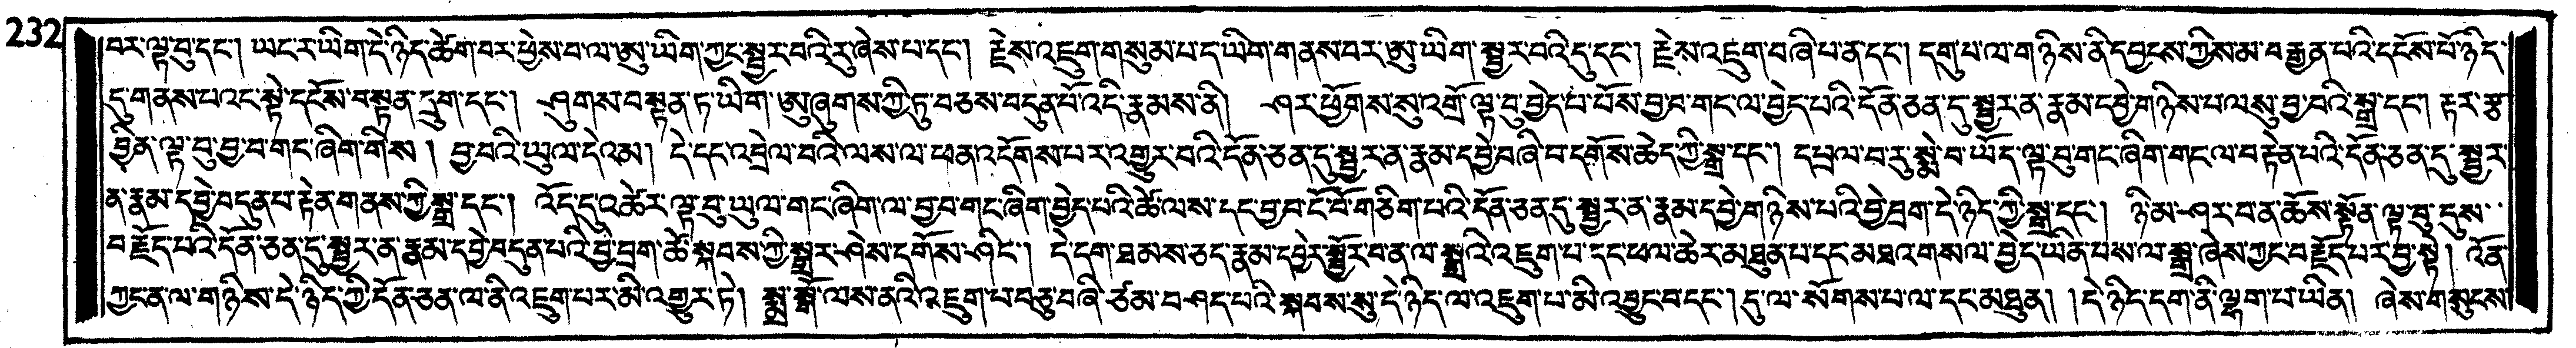བར་ལྟ་བུ་དང་། ཡང་ར་ཡིག་དེ་ཉིད་ཚེག་བར་ཕྱེས་བ་ལ་ཨུ་ཡིག་ཀྱང་སྦྱར་བའི་རུ་ཞེས་པ་དང་། རྗེས་འཇུག་གསུམ་པ་ད་ཡིག་གནས་བར་ཨུ་ཡིག་སྦྱར་བའི་དུ་དང་། རྗེས་འཇུག་བཞི་པ་ན་དང་། དགུ་པ་ལ་གཉིས་ནི་དབྱངས་ཀྱིས་མ་བརྒྱད་པའི་དངོས་པོ་ཉིད་
དུ་གནས་པའང་སྟེ་དངོས་བསྟན་དྲུག་དང་། ཤུགས་བསྟན་ཏ་ཡིག་ཨུ་ཞུགས་ཀྱི་ཏུ་བཅས་བདུན་པོ་འདི་རྣམས་ནི། ཤར་ཕྱོགས་སུ་འགྲོ་ལྟ་བུ་བྱེད་པ་པོས་བྱ་བ་གང་ལ་བྱེད་པའི་དོན་ཅན་དུ་སྦྱར་ན་རྣམ་དབྱེ་གཉིས་པ་ལསུ་བྱ་བའི་སྒྲ་དང་། རྟར་རྩ་
བྱིན་ལྟ་བུ་བྱ་བ་གང་ཞིག་གིས། བྱ་བའི་ཡུལ་དེའམ། དེ་དང་འབྲེལ་བའི་ལས་ལ་ཕན་འདོགས་པར་འགྱུར་བའི་དོན་ཅན་དུ་སྦྱར་ན་རྣམ་དབྱེ་བཞི་པ་དགོས་ཆེད་ཀྱི་སྒྲ་དང་། དཔྲལ་བ་རུ་སྨེ་བ་ཡོད་ལྟ་བུ་གང་ཞིག་གང་ལ་བརྟེན་པའི་དོན་ཅན་དུ་སྦྱར་
ན་རྣམ་དབྱེ་བདུན་པ་རྟེན་གནས་ཀྱི་སྒྲ་དང་། འོད་དུ་འཚེར་ལྟ་བུ་ཡུལ་གང་ཞིག་ལ་བྱ་བ་གང་ཞིག་བྱེད་པའི་ཚེ་ལས་དང་བྱ་བ་ངོ་བོ་གཅིག་པའི་དོན་ཅན་དུ་སྦྱར་ན་རྣམ་དབྱེ་གཉིས་པའི་བྱེ་བྲག་དེ་ཉིད་ཀྱི་སྒྲ་དང་། ཉི་མ་ཤར་བ་ན་ཆོས་སྟོན་ལྟ་བུ་དུས་
བརྗོད་པའི་དོན་ཅན་དུ་སྦྱར་ན་རྣམ་དབྱེ་བདུན་པའི་བྱེ་བྲག་ཚེ་སྐབས་ཀྱི་སྒྲར་ཤེས་དགོས་ཤིང་། དེ་དག་ཐམས་ཅད་རྣམ་དབྱེར་སྦྱོར་བ་ན་ལ་སྒྲའི་འཇུག་པ་དང་ཕལ་ཆེར་མཐུན་པ་དང་མཐའ་གསལ་བྱེད་ཡིན་པས་ལ་སྒྲ་ཞེས་ཀྱང་བརྗོད་པར་བྱ་སྟེ། འོན་
ཀྱང་ན་ལ་གཉིས་དེ་ཉིད་ཀྱི་དོན་ཅན་ལ་ནི་འཇུག་པར་མི་འགྱུར་ཏེ། སྨྲ་སྒོ་ལས་ནའི་འཇུག་པ་བཅུ་བཞི་ཙམ་བཤད་པའི་སྐབས་སུ་དེ་ཉིད་ལ་འཇུག་པ་མི་འབྱུང་བ་དང་། དུ་ལ་སོགས་པ་ལ་དང་མཐུན། །དེ་ཉིད་དག་ནི་ལྷག་པ་ཡིན། ཞེས་གསུངས་